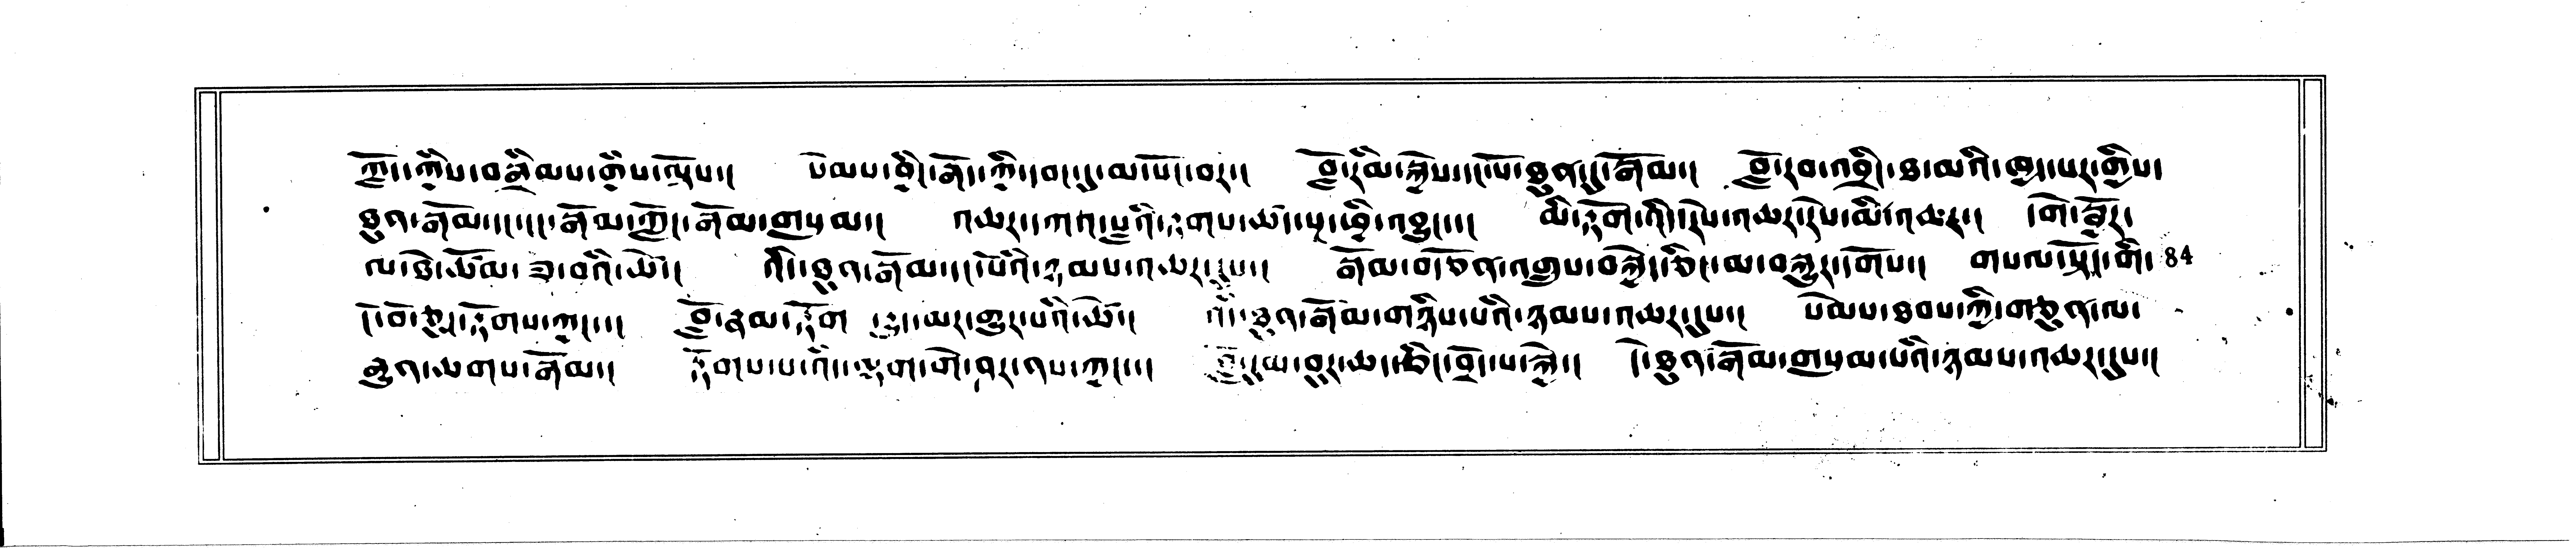ཀློད་ཀྱིས་བསྒྲིམས་ཀྱིས་ལྟོས། །སེམས་བྱིང་རྒོད་ཀྱི་དབང་དུ་མ་སོང་བར། །བློ་རིམ་སྐྱེས་དང་པོ་ཐུན་དུ་བསྒོམ། །བློ་རབ་འབྲིང་ཐ་མའི་ཁྱད་པར་གྱིས། །
ཐུན་སྒོམ་དང་ངང་སྒོམ་ཀློང་སྒོམ་གསུམ། །འཆར་དཀའ་སླའི་རྟགས་ཚད་སྔ་ཕྱི་འབྱུང་། །མི་རྟོག་འདི་རེས་འཆར་རེས་མི་འཆར། །དགེ་སྦྱོར་
ལ་ཐེ་ཚོམ་ཟ་བའི་ཚེ། །འདི་ཐུན་སྒོམ་དང་པོའི་ཉམས་འཆར་དུས། །སྒོམ་བརྩོན་འགྲུས་བསྐྱེད་ཅིང་མ་བསྐྱུར་དགོས། །གསལ་སྟོང་གི་
ངོ་བོ་ཅུང་རྟོགས་ཀྱང་། །བློ་རྣམ་རྟོག་རྒྱུད་མར་གྱུར་པའི་ཚེ། །འདི་ཐུན་སྒོམ་གཉིས་པའི་ཉམས་འཆར་དུས། །སེམས་ཐབས་ཀྱིས་གཅུན་ལ་
རྒྱུན་ཆགས་བསྒོམ། །རྟོགས་པ་འདི་ལྷག་གེ་ཤར་ནས་ཀྱང་། །བློ་དུམ་བུར་ཆད་ཅིང་བྲོད་པ་སྐྱེ། །དེ་ཐུན་སྒོམ་གསུམ་པའི་ཉམས་འཆར་དུས། །